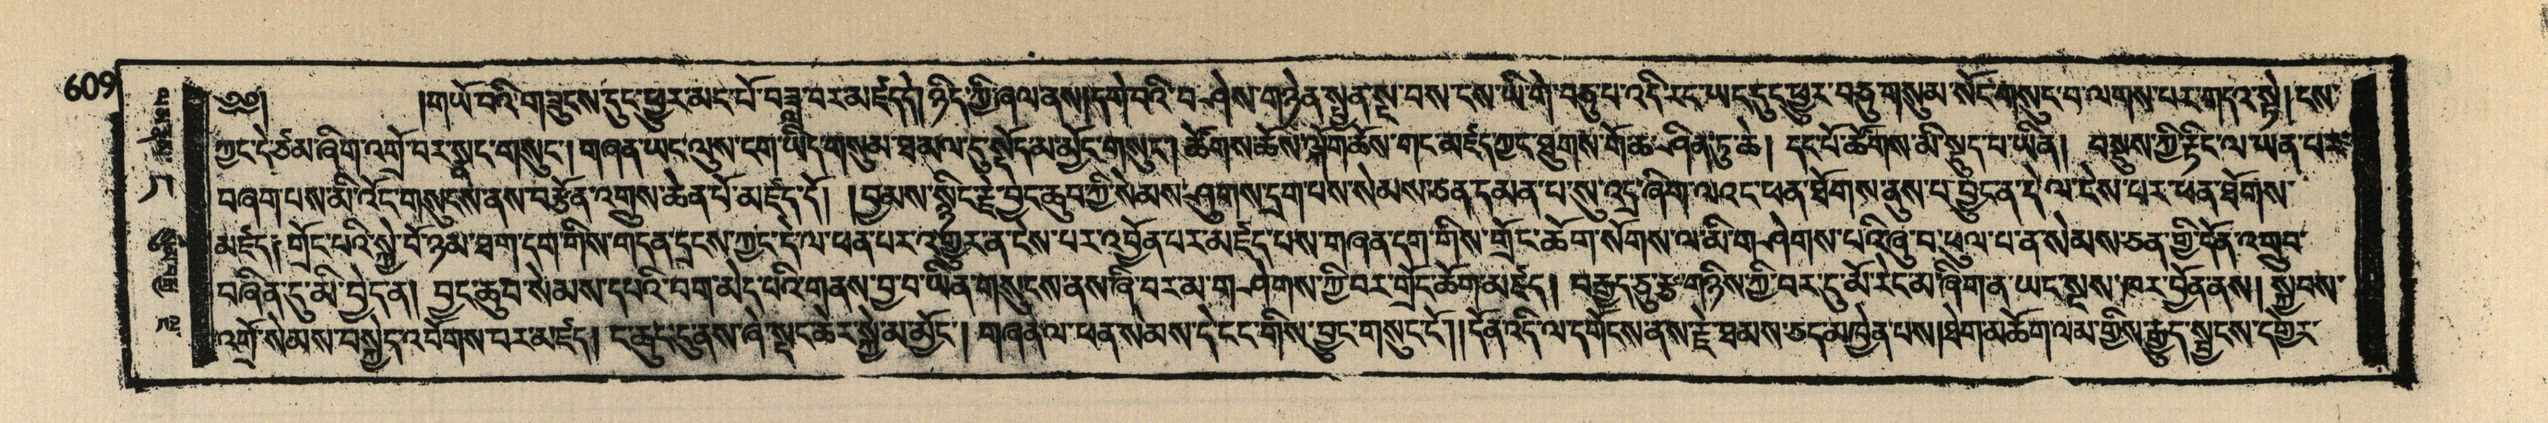༄༅། །གཡོ་བའི་གཟུངས་དུང་ཕྱུར་མང་པོ་བཟླ་བར་མཛད་དེ། ཉིད་ཀྱི་ཞལ་ནས། དགེ་བའི་བཤེས་གཉེན་སྤྱན་སྔ་བས་ངས་ཡི་གེ་བཅུ་པ་འདི་རང་ཡང་དུང་ཕྱུར་བཅུ་གསུམ་སོང་གསུང་བ་ལགས་པར་གདའ་སྟེ། ངས་
ཀྱང་དེ་ཙམ་ཞིག་འགྲོ་བར་སྣང་གསུང་། གཞན་ཡང་ལུས་ངག་ཡིད་གསུམ་ཐ་མལ་དུ་སྡོད་མ་མྱོང་གསུང་། ཚོགས་ཆོས་ལྐོག་ཆོས་གང་མཛད་ཀྱང་ཐུགས་གོ་ཆ་ཤིན་ཏུ་ཆེ། དང་པོ་ཚོགས་མི་སྡུད་པ་ཡིན། བསྡུས་ཀྱི་རྟིང་ལ་ཡན་པར་
བཞག་པས་མི་འོང་གསུངས་ནས་བརྩོན་འགྲུས་ཆེན་པོ་མཛད་དོ། །བྱམས་སྙིང་རྗེ་བྱང་ཆུབ་ཀྱི་སེམས་ཤུགས་དྲག་པས་སེམས་ཅན་དམན་པ་སུ་འདྲ་ཞིག་ལའང་ཕན་ཐོགས་ནུས་པ་བྱུང་ན་དེ་ལ་ངེས་པར་ཕན་ཐོགས་
མཛད༑ གྲོང་པའི་སྐྱེ་བོ་ཉམ་ཐག་གིས་གདན་དྲངས་ཀྱང་དེ་ལ་ཕན་པར་འགྱུར་ན་ངེས་པར་འབྱོན་པར་མཛད་པས་གཞན་དག་གིས་གྲོང་ཆོག་སོགས་ལ་མི་གཤེགས་པའི་ཞུ་བ་ཕུལ་པ་ན་སེམས་ཅན་གྱི་དོན་འགྲུབ་
བཞིན་དུ་མི་བྱེད་ན། བྱང་ཆུབ་སེམས་དཔའི་བག་མེད་པའི་གནས་བྱ་བ་ཡིན་གསུངས་ནས་ཞི་བར་མ་གཤེགས་ཀྱི་བར་གྲོང་ཆོག་མཛད། བརྒྱད་ཅུ་རྩ་གཉིས་ཀྱི་བར་དུ་མོ་རེང་མ་ཞིག་ན་ཡང་སྔས་ཁར་བྱོན་ནས། སྐྱབས་
འགྲོ་སེམས་བསྐྱེད་འབོགས་བར་མཛད། ང་ཆུང་དུ་ནས་ཞེ་སྡང་ཆེར་སྐྱེ་མ་མྱོང་། གཞན་ལ་ཕན་སེམས་དེ་ངང་གིས་བྱུང་གསུང་ངོ། །དོན་འདི་ལ་དགོངས་ནས་རྗེ་ཐམས་ཅད་མཁྱེན་པས་།ཐེག་མཆོག་ལམ་གྱིས་རྒྱུད་སྦྱངས་དགྱེར་